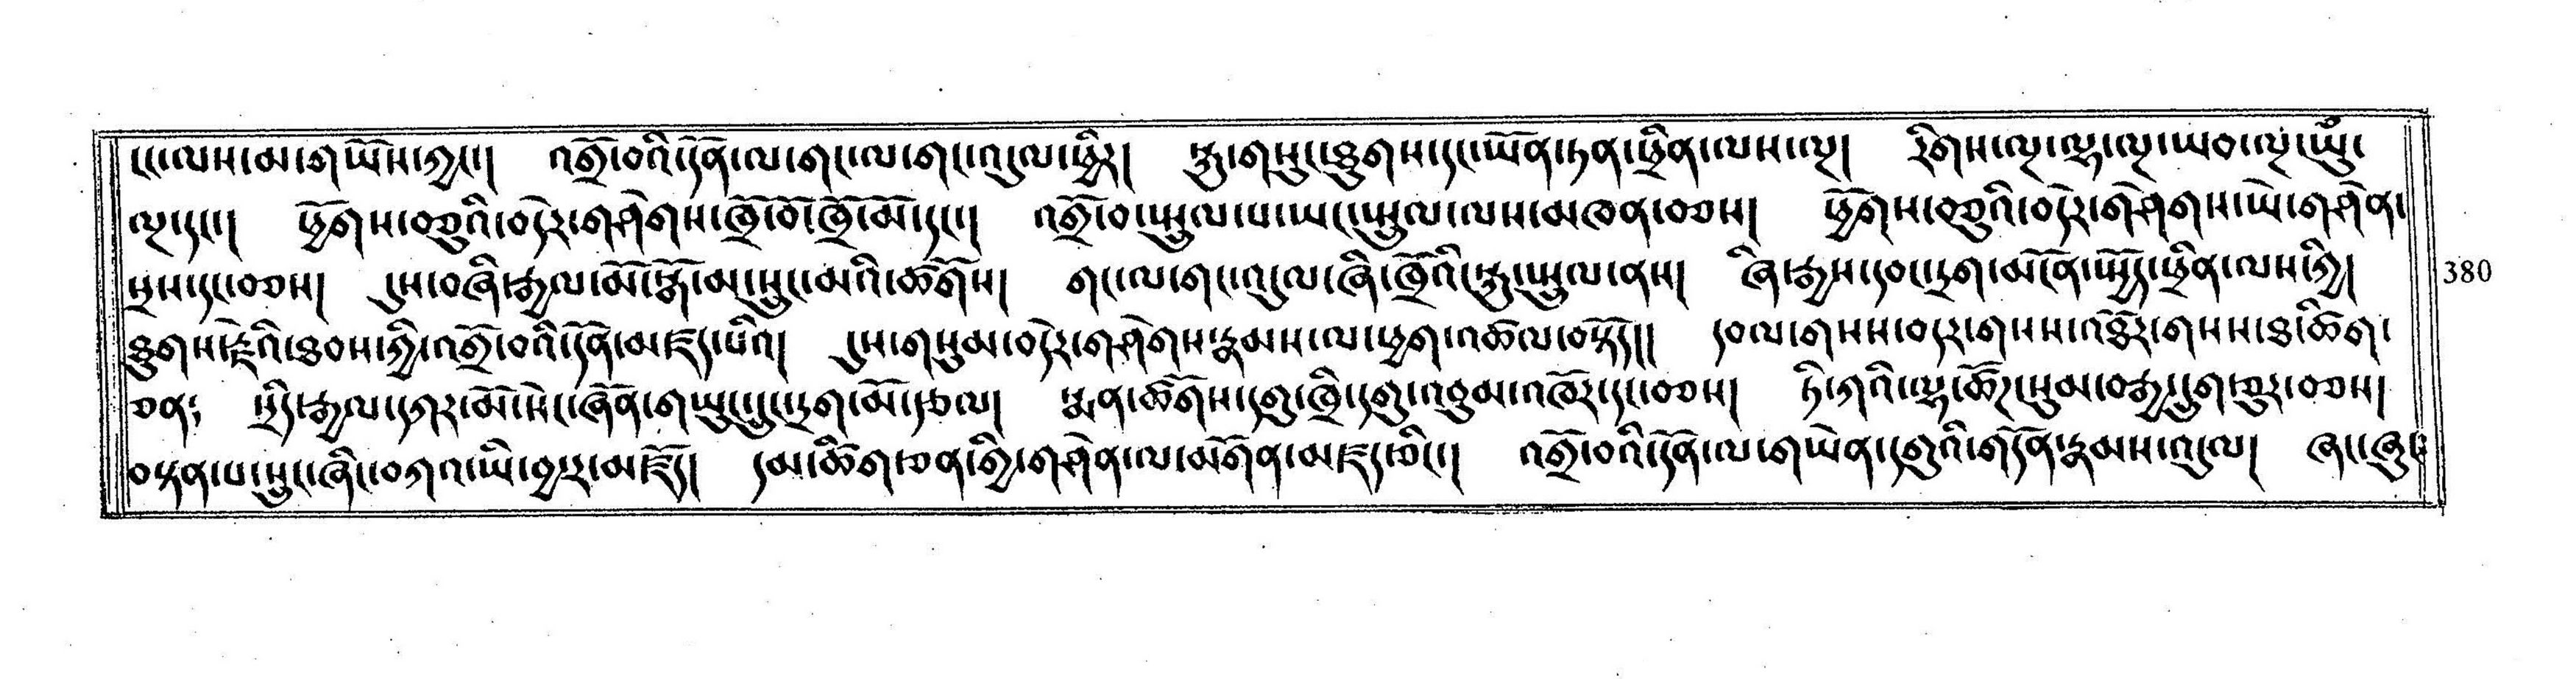ངང་ལས་མ་གཡོས་ཀྱང་། འགྲོ་བའི་དོན་ལ་གང་ལ་གང་འདུལ་ཕྱིར། སྐུ་གསུང་ཐུགས་དང་ཡོན་ཏན་ཕྲིན་ལས་ལྔ། རིགས་ལྔ་ལྷ་ལྔ་ཡབ་ལྔ་ཡུམ་
ལྔ་དང་། ཕྱོགས་བཅུའི་བདེར་གཤེགས་ཁྲོ་བོ་ཁྲོ་མོ་དང་། འགྲོ་བ་སྤྲུལ་པ་ཡང་སྤྲུལ་ལས་མཁན་བཅས། ཕྱོགས་བཅུའི་བདེར་གཤེགས་ཡེ་གཤེན་
སྲས་དང་བཅས། དུས་བཞི་རྒྱལ་མོ་སྒོ་མ་སྲུང་མའི་ཚོགས། གང་ལ་གང་འདུལ་ཞི་ཁྲོའི་སྐུ་སྤྲུལ་ནས། ཞི་རྒྱས་དབང་དྲག་མངོན་སྤྱོད་ཕྲིན་ལས་ཀྱི། 
ཐུགས་རྗེའི་ཐབས་ཀྱི་འགྲོ་བའི་དོན་མཛད་པའི། དུས་གསུམ་བདེར་གཤེགས་རྣམས་ལ་ཕྱག་འཚལ་བསྟོད།། དབལ་གསས་བདར་གསས་འཐོར་གསས་ཐ་ཚིག་
ཅན། སྲིད་རྒྱལ་དཀར་མོ་སེང་ཞོན་གཡུང་དྲུང་དྲག་མོ་རྩལ། སྨན་ཚོགས་དགུ་ཁྲི་དགུ་འབུམ་འཁོར་དང་བཅས། ཏི་ཀའི་ལྷ་ཚོགས་སུམ་བརྒྱ་དྲུག་ཅུར་བཅས། 
བསྟན་པ་སྲུང་ཞིང་བཀའ་ཡི་བྱ་ར་མཛོད། དམ་ཚིག་ཅན་གྱི་གཤེན་ལ་མགོན་མཛད་ཅིང་། འགྲོ་བའི་དོན་ལ་གཡེན་དགུའི་གདོན་རྣམས་འདུལ། ཞང་ཞུང་